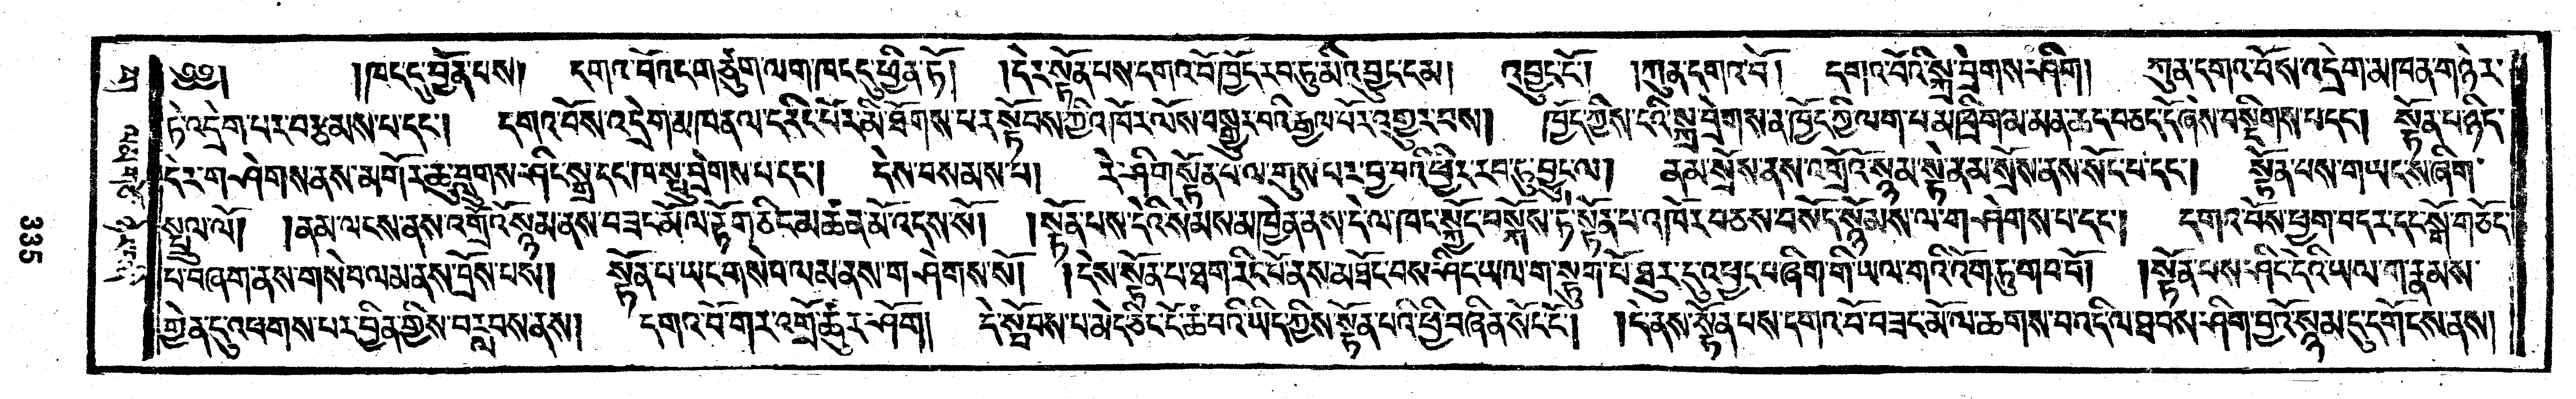༄༅། །ཁང་དུ་བྱོན་པས། དགའ་བོའང་གཙུག་ལག་ཁང་དུ་ཕྱིན་ཏོ། །དེར་སྟོན་པས་དགའ་བོ་ཁྱོད་རབ་ཏུ་མི་འབྱུང་ངམ། འབྱུང་ངོ། །ཀུན་དགའ་བོ། དགའ་བོའི་སྐྲ་བྲེགས་ཤིག། ཀུན་དགའ་བོས་འདྲེག་མཁན་གཉེར་
ཏེ་འདྲེག་པར་བརྩམས་པ་དང་། དགའ་བོས་འདྲེག་མཁན་ལ་ད་རིང་པོར་མི་ཐོགས་པར་སྟོབས་ཀྱི་འཁོར་ལོས་བསྒྱུར་བའི་རྒྱལ་པོར་འགྱུར་བས། ཁྱོད་ཀྱིས་ངའི་སྐྲ་བྲེགས་ན་ཁྱོད་ཀྱི་ལག་པ་མཁྲིག་མ་མན་ཆད་བཅད་དོ་ཞེས་བསྡིགས་པ་དང་། སྟོན་པ་ཉིད་
དེར་གཤེགས་ནས་མགོར་ཆུ་བླུགས་ཤིང་སྒྲ་དང་ཁ་སྤུ་བྲེགས་པ་དང་། དེས་བསམས་པ། རེ་ཤིག་སྟོན་པ་ལ་གུས་པར་བྱ་བའི་ཕྱིར་རབ་ཏུ་བྱུང་ལ། ནམ་སྲོས་ནས་འགྲོའོ་སྙམ་སྟེ་ནམ་སྲོས་ནས་སོང་བ་དང་། སྟོན་པས་གཡང་ས་ཞིག་
སྤྲུལ་ལོ། །ནམ་ལངས་ནས་འགྲོའོ་སྙམ་ནས་བཟང་མོ་ལ་རྟོག་ཅིང་མཚན་མོ་འདས་སོ། །སྟོན་པས་དེའི་སེམས་མཁྱེན་ནས་དེ་ལ་ཁང་སྐྱོང་བསྐོས་ཏེ་སྟོན་པ་འཁོར་བཅས་བསོད་སྙོམས་ལ་གཤེགས་པ་དང་། དགའ་བོས་ཕྱག་བདར་དང་སྒོ་གཅོད་
པ་བཞག་ནས་གསེ་བ་ལམ་ནས་བྲོས་པས། སྟོན་པ་ཡང་གསེབ་ལམ་ནས་གཤེགས་སོ། །དེས་སྟོན་པ་ཐག་རིང་པོ་ནས་མཐོང་བས་ཤིང་ཡལ་ག་སྟུག་པོ་ཐུར་དུ་འཕྱང་བ་ཞིག་གི་ཡལ་གའི་འོག་ཏུ་གབ་བོ། །སྟོན་པས་ཤིང་དེའི་ཡལ་ག་རྣམས་
གྱེན་དུ་འཕགས་པར་བྱིན་གྱིས་བརླབས་ནས། དགའ་བོ་གར་འགྲོ་ཚུར་ཤོག། དེ་སྦོབས་པ་མེད་ཅིང་ངོ་ཚ་བའི་ཡིད་ཀྱིས་སྟོན་པའི་ཕྱི་བཞིན་སོང་ངོ། །དེ་ནས་སྟོན་པས་དགའ་བོ་བཟང་མོ་ལ་ཆགས་པ་འདི་ལ་ཐབས་ཤིག་བྱའོ་སྙམ་དུ་དགོངས་ནས།